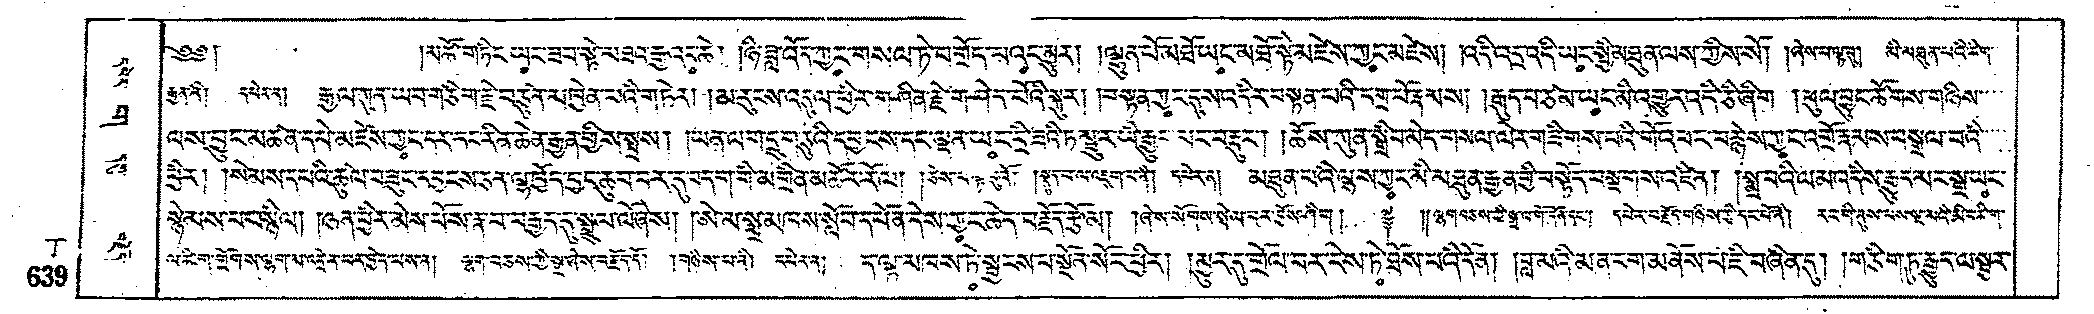༄༅། །མཚོ་གཏིང་ཡང྾་ཟབ་སྟེ་མཐའ་རྒྱའང྾་ཆེ། །ཉི་ཟླ་འོད་ཀྱང྾་གསལ་ཏེ་བགྲོད་པའང྾་མྱུར། །ལྷུན་པོ་མཐོ་ཡང྾་མཐོ་སྟེ་མཛེས་ཀྱང྾་མཛེས། །འདི་འདྲ་འདི་ཡང྾་སྤྱི་མཐུན་ལས་ཀྱིས་སོ། །ཞེས་པ་ལྟ་བུ། མི་མཐུན་པའི་ཚིག་
རྒྱན་ནི། དཔེར་ན། རྒྱལ་ཀུན་ཡབ་གཅིག་རྗེ་བཙུན་མཁྱེན་པའི་གཏེར། །མ་རུངས་འདུལ་ཕྱིར་གཤིན་རྗེ་གཤེད་པོའི་སྐུར། །བསྟན་ཀྱང྾་དུས་འདིར་བསྟན་པའི་དགྲ་པོ་རྣམས། །རྒུད་པ་ཙམ་ཡང྾་མི་འགྱུར་འདི་ཅི་ཞིག །ཕུལ་བྱུང་ཚོགས་གཉིས་་་
ལས་བྱུང་མཚན་དཔེ་མཛེས་ཀྱང྾་དར་དང་རིན་ཆེན་རྒྱན་གྱིས་སྤྲས། །ཡན་ལག་དྲུག་ཅུའི་དབྱངས་དང་ལྡན་ཡང྾་དྲི་ཟའི་ཏམྦུ་ར་ཡི་རྒྱུད་མང་བརྡུང་། །ཆོས་ཀུན་སྒྲིབ་མེད་གསལ་ལེར་གཟིགས་པའི་གོ་འཕང་བརྙེས་ཀྱང྾་འགྲོ་རྣམས་བསྒྲལ་བའི་་་
ཕྱིར། །སེམས་དཔའི་ཚུལ་བཟུང་དབྱངས་ཅན་ལྷ་ཁྱོད་བྱང་ཆུབ་བར་དུ་བདག་གི་མགྲིན་མཚོར་རོལ། །ཅེས་པ་ལྟ་བུའོ། །སྡུད་པ་ལ་འུག་པ་ནི། དཔེར་ན།  མཐུན་པའི་ལྷས་ཀྱང྾་མི་མཐུན་རྒྱན་གྱི་བསྟོད་བསྔགས་འཛིན། །སྨྲ་བའི་ལམ་འདིས་རྒྱུད་མང་སྒྲ་ཡང྾་
སྙེམས་པ་བསྙིལ། །ཉན་ཕྱིར་མེས་པོས་རྣ་བ་བརྒྱད་དུ་སྤྲུལ་ལོ་ཞེས། །ཨེ་མ་སྨྲ་མཁས་སློབ་དཔོན་དེས་ཀྱང྾་ཆེད་བརྗོད་རྩོམ། །ཞེས་སོགས་སྤེལ་བར་བྱོས་ཤིག། འ།།ལྷག་བཅས་ཀྱི་སྒྲ་ལ་གོ་དོན་དང་། དཔེར་བརྗོད་གཉིས་ཀྱི་དང་པོ་ནི། རང་གི་ནུས་པས་སྔ་མའི་མིང་ཚིག་
ལ་ཚིག་གྲོགས་ལྷག་མ་འདྲེན་པར་བྱེད་པས་ན། ལྷག་བཅས་ཀྱི་སྒྲ་ཞེས་བརྗོད་དོ། །གཉིས་པ་ནི། དཔེར་ན། ད་ལྟ་མཁས་ཏེ྾་སྦྱངས་པ་སྔོན་སོང་ཕྱིར། །མྱུར་དུ་གྲོལ་བར་ངེ་ཏེ྾་ཐོས་པའི་དོན། །བླ་མའི་མན་ངག་མནོས་པ་ཇི་བཞིན་དུ། །གཅིག་ཏུ་རྒྱུད་ལ་སྦྱར་